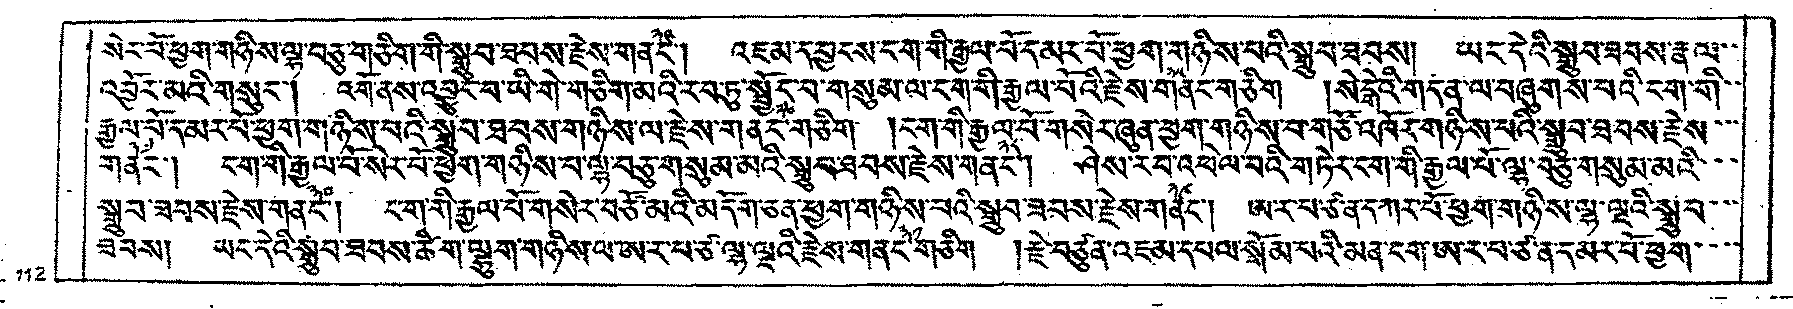སེར་པོ་ཕྱག་གཉིས་ལྷ་བཅུ་གཅིག་གི་སྒྲུབ་ཐབས་རྗེས་གནང ༢༤། འཇམ་དབྱངས་ངག་གི་རྒྱལ་པོ་དམར་པོ་ཕྱག་གཉིས་པའི་སྒྲུབ་ཐབས། ཡང་དེའི་སྒྲུབ་ཐབས་རྣལ་
འབྱོར་མའི་གསུང་། འགོ་ནས་འབྱུང་བ་ཡི་གེ་གཅིག་མའི་རབ་ཏུ་སྦྱོང་བ་གསུམ་ལ་ངག་གི་རྒྱལ་པོའི་རྗེས་གནང ༢༥་གཅིག །སེངྒེའི་གདན་ལ་བཞུགས་པའི་ངག་གི་
རྒྱལ་པོ་དམར་པོ་ཕྱག་གཉིས་པའི་སྒྲུབ་ཐབས་གཉིས་ལ་རྗེས་གནང ༢༦་གཅིག །ངག་གི་རྒྱལ་པོ་གསེར་ཞུན་ཕྱག་གཉིས་པ་གཙོ་འཁོར་གཉིས་པའི་སྒྲུབ་ཐབས་རྗེས་
གནང ༢༧། ངག་གི་རྒྱལ་པོ་སེར་པོ་ཕྱག་གཉིས་པ་ལྷ་བཅུ་གསུམ་མའི་སྒྲུབ་ཐབས་རྗེས་གནང ༢༨། ཤེས་རབ་འཕེལ་བའི་གཏེར་ངག་གི་རྒྱལ་པོ་ལྷ་བཅུ་གསུམ་མའི་
སྒྲུབ་ཐབས་རྗེས་གནང ༣༠། ངག་གི་རྒྱལ་པོ་གསེར་བཙོ་མའི་མདོག་ཅན་ཕྱག་གཉིས་པའི་སྒྲུབ་ཐབས་རྗེས་གནང ༢༩། ཨ་ར་པ་ཙ་ན་དཀར་པོ་ཕྱག་གཉིས་ལྷ་ལྔའི་སྒྲུབ་
ཐབས། ཡང་དེའི་སྒྲུབ་ཐབས་ཚིག་ལྷུག་གཉིས་ལ་ཨ་ར་པ་ཙ་ལྷ་ལྔའི་རྗེས་གནང ༣༡་གཅིག །རྗེ་བཙུན་འཇམ་དཔལ་སྒོམ་པའི་མན་ངག་ཨ་ར་པ་ཙ་ན་དམར་པོ་ཕྱག་